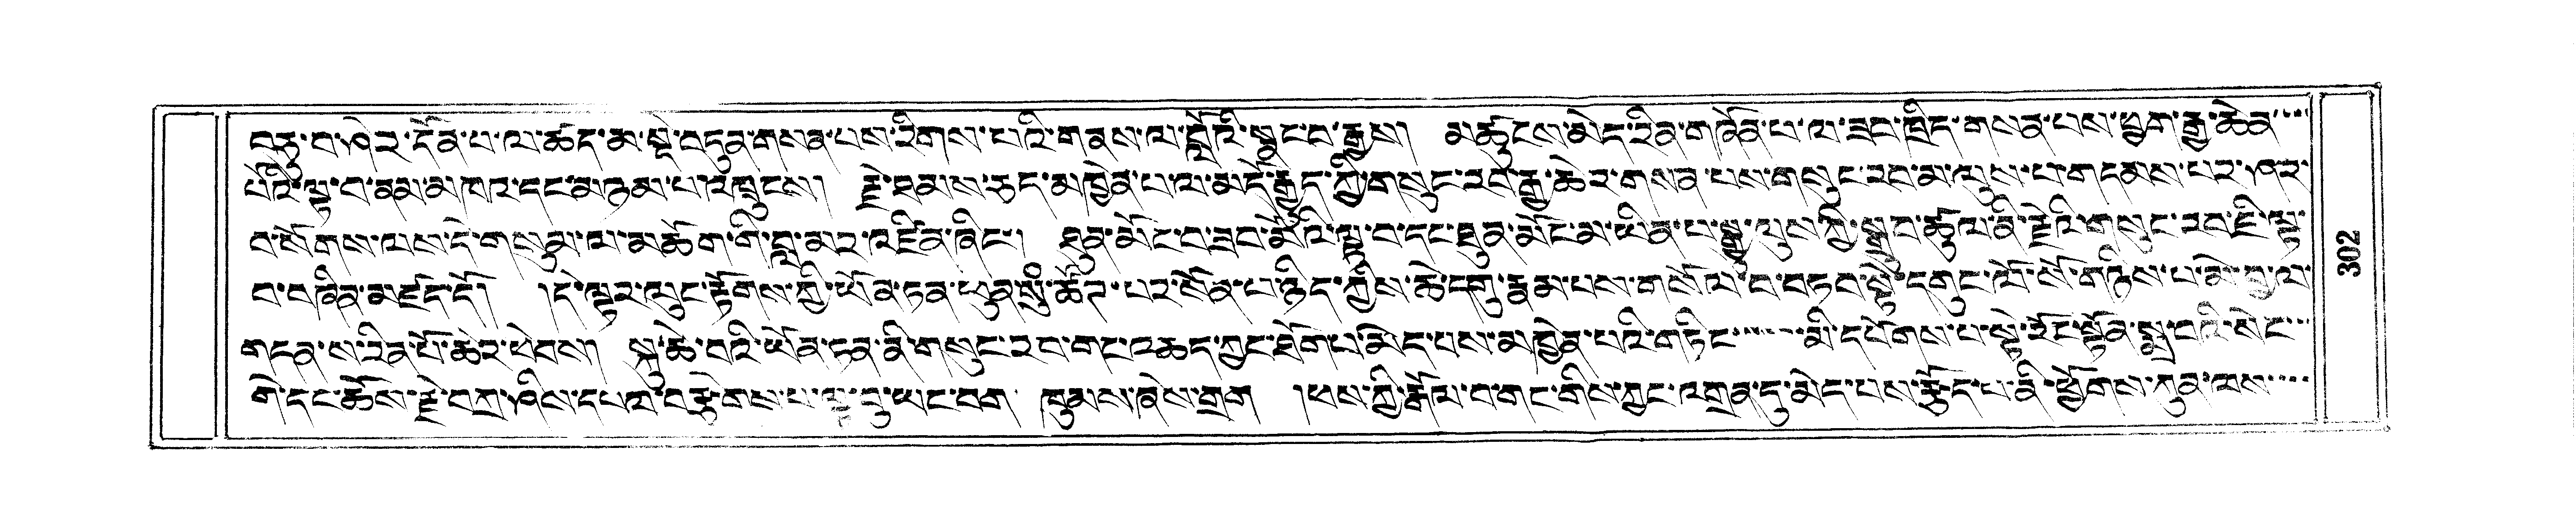བཅུ་པ་ཤེར་དོན་པ་ལ་ཚད་མ་སྡེ་བདུན་གསན་པས་རིགས་པའི་གནས་ལ་བློའི་སྣང་བ་རྒྱས། མཚུངས་མེད་རིན་གཞོན་པ་ལ་ཟབ་ཁྲིད་གསན་པས་ཕྱག་རྒྱ་ཆེན་
པོའི་ལྟ་བ་ནམ་མཁའ་དང་མཉམ་པ་འཁྲུངས། རྗེ་ཐམས་ཅད་མཁྱེན་པ་ལ་མདོ་རྒྱུད་ཀྱི་གསུང་རབ་རྒྱ་ཆེར་གསན་པས་གསུང་རབ་མ་ལུས་པ་གདམས་པར་ཤར་
བ་སོགས་ལས་དེ་གསུམ་ལ་མཆོག་གི་བླ་མར་འཛིན་ཞིང་། ཐུན་མོང་བ་ཟབ་མོའི་ལྟ་བ་དང་ཐུན་མོང་མ་ཡིན་པ་སྒྱུ་ལུས་ཀྱི་སྒྲུབ་ཚུལ་ནི་རྗེའི་གསུང་རབ་ཇི་ལྟ་
བ་བཞིན་མཛད་དོ། །དེ་ལྟར་ལུང་རྟོགས་ཀྱི་ཡོན་ཏན་ཕུན་སུམ་ཚོགས་པར་སོན་པ་ཉིད་ཀྱིས་ཆེ་དགུ་རྣམ་པས་གསོལ་བ་བཏབ་སྟེ་དགུང་ལོ་སོ་གཉིས་པ་མེ་བྱ་ལ་
གདན་ས་རིན་པོ་ཆེར་ཕེབས། སྐུ་ཆེ་བའི་ཡོན་ཏན་ནི་གསུང་རབ་གང་འཆད་ཀྱང་ཐོག་པ་མེད་པས་མཁྱེན་པའི་གཏིང་མི་དཔོགས་པ་སྟེ་རོང་སྟོན་སྨྲ་བའི་སེང་
གེ་དང་ཆོས་རྗེ་བཀྲ་ཤིས་དཔལ་བརྩེགས་པ་ལྟ་བུ་ཡང་བག་ཁུམས་ཞེས་གྲག །ཕས་ཀྱི་རྒོལ་བ་གང་གིས་ཀྱང་འགྲན་དུ་མེད་པས་རྩོད་པ་ནི་ཕྱོགས་ཀུན་ལས་